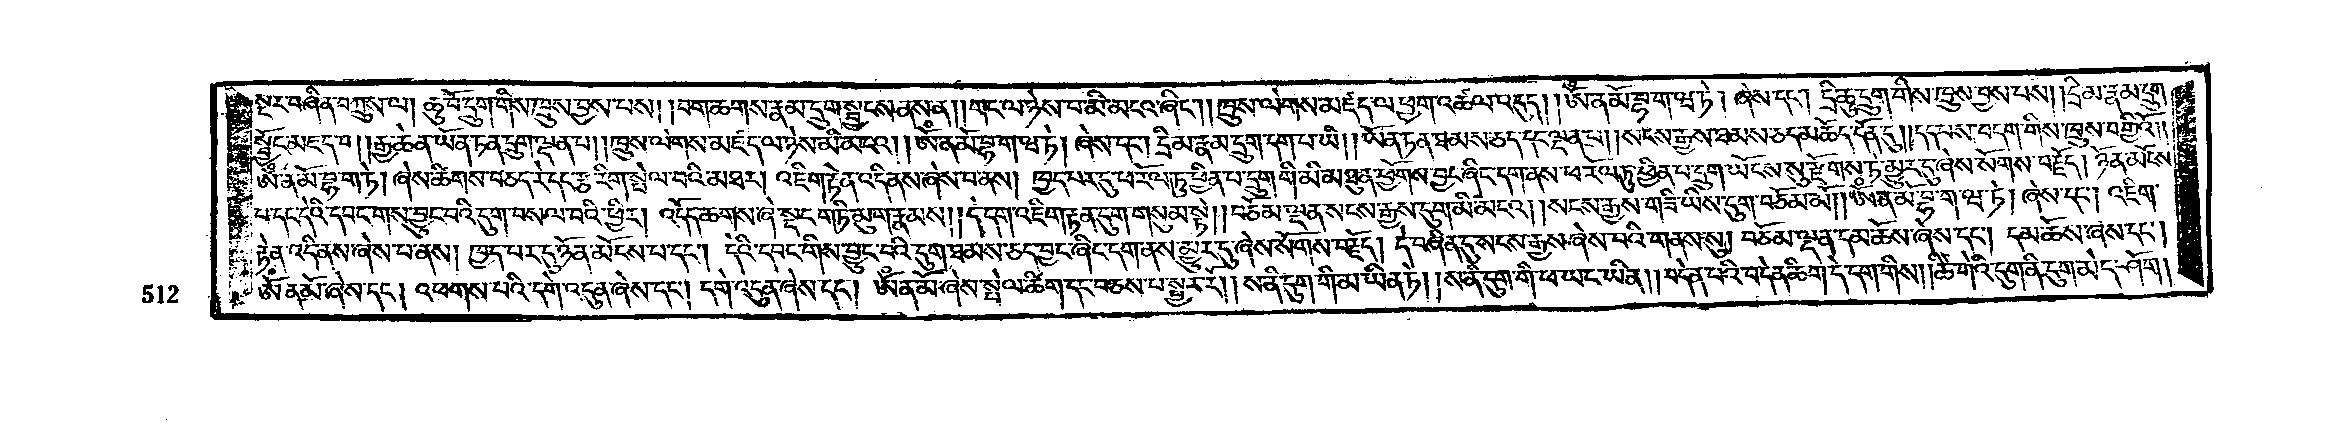སྔར་བཞིན་བཀྲུས་ལ། ཆུ་བོ་དྲུག་གིས་ཁྲུས་བྱས་པས། །བག་ཆགས་རྣམ་དྲུག་སྦྱངས་ནས་ནི། །གང་ལ་ཉེས་པ་མེ་མངའ་ཞིང་། །ཁྲུས་ལེགས་མཛད་ལ་ཕྱག་འཚལ་འདུད། །ཨོཾ་ན་མོ་བྷ་ག་ཝ་ཏེ། ཞེས་དང་། དྲི་ཆུ་དྲུག་གིས་ཁྲུས་བྱས་པས། །དྲི་མ་རྣམ་དྲུག་
སྦྱོང་མཛད་པ། །རྒྱ་ཆེན་ཡོན་ཏན་དྲུག་ལྡན་པ། །ཁྲུས་ལེགས་མཛད་ལ་ཉེས་མི་མངའ། །ཨོཾ་ན་མོ་བྷ་ག་ཝ་ཏེ། ཞེས་དང་། དྲི་མ་རྣམ་དྲུག་དག་པ་ཡི། །ཡོན་ཏན་ཐམས་ཅད་དང་ལྡན་པ། །སངས་རྒྱས་ཐམས་ཅད་མཆོད་དོན་དུ། །དད་པས་བདག་གིས་ཁྲུས་བགྱིའོ། །
ཨོཾ་ན་མོ་བྷ་ག་ཏེ། ཞེས་ཚིགས་བཅད་རེ་དང་རྩ་རིག་སྤེལ་བའི་མཐར། འཇིག་རྟེན་འདི་ནས་ཞེས་པ་ནས། ཁྱད་པར་དུ་ཕ་རོལ་ཏུ་ཕྱིན་པ་དྲུག་གི་མི་མཐུན་ཕྱོགས་བྱང་ཞིང་དག་ནས་ཕ་རོལ་ཏུ་ཕྱིན་པ་དྲུག་ཡོངས་སུ་རྫོགས་ཏེ་མྱུར་དུ་ཞེས་སོགས་བརྗོད། ཉོན་མོངས་
པ་དང་དེའི་དབང་གིས་བྱུང་བའི་དུག་བསལ་བའི་ཕྱིར། འདོད་ཆགས་ཞེ་སྡང་གཏི་མུག་རྣམས། །དེ་དག་འཇིག་རྟེན་དུག་གསུམ་སྟེ། །བཅོམ་ལྡན་སངས་རྒྱས་དུག་མི་མངའ། །སངས་རྒྱས་གཟི་ཡིས་དུག་བཅོམ་མོ། །ཨོཾ་ན་མོ་བྷ་ག་ཝ་ཏེ། ཞེས་དང་། འཇིག་
རྟེན་འདི་ནས་ཞེས་པ་ནས། ཁྱད་པར་དུ་ཉོན་མོངས་པ་དང་། དེའི་དབང་གིས་བྱུང་བའི་དུག་ཐམས་ཅད་བྱང་ཞིང་དག་ནས་མྱུར་དུ་ཞེས་སོགས་བརྗོད། དེ་བཞིན་དུ་སངས་རྒྱས་ཞེས་པའི་གནས་སུ། བཅོམ་ལྡན་དམ་ཆོས་ཞེས་དང་། དམ་ཆོས་ཞེས་དང་།
ཨོཾ་ན་མོ་ཞེས་དང་། འཕགས་པའི་དགེ་འདུན་ཞེས་དང་། དགེ་འདུན་ཞེས་དང་། ཨོཾ་ན་མོ་ཞེས་སྤེལ་ཚིག་དང་བཅས་པ་སྦྱར་རོ། །ས་ནི་དུག་གི་མ་ཡིན་ཏེ། །ས་ནི་དུག་གི་ཕ་ཡང་ཡིན། །བདེན་པའི་བདེན་ཚིག་དེ་དག་གིས། །ཆེ་གེའི་དུག་ནི་དུག་མེད་ཤོག །